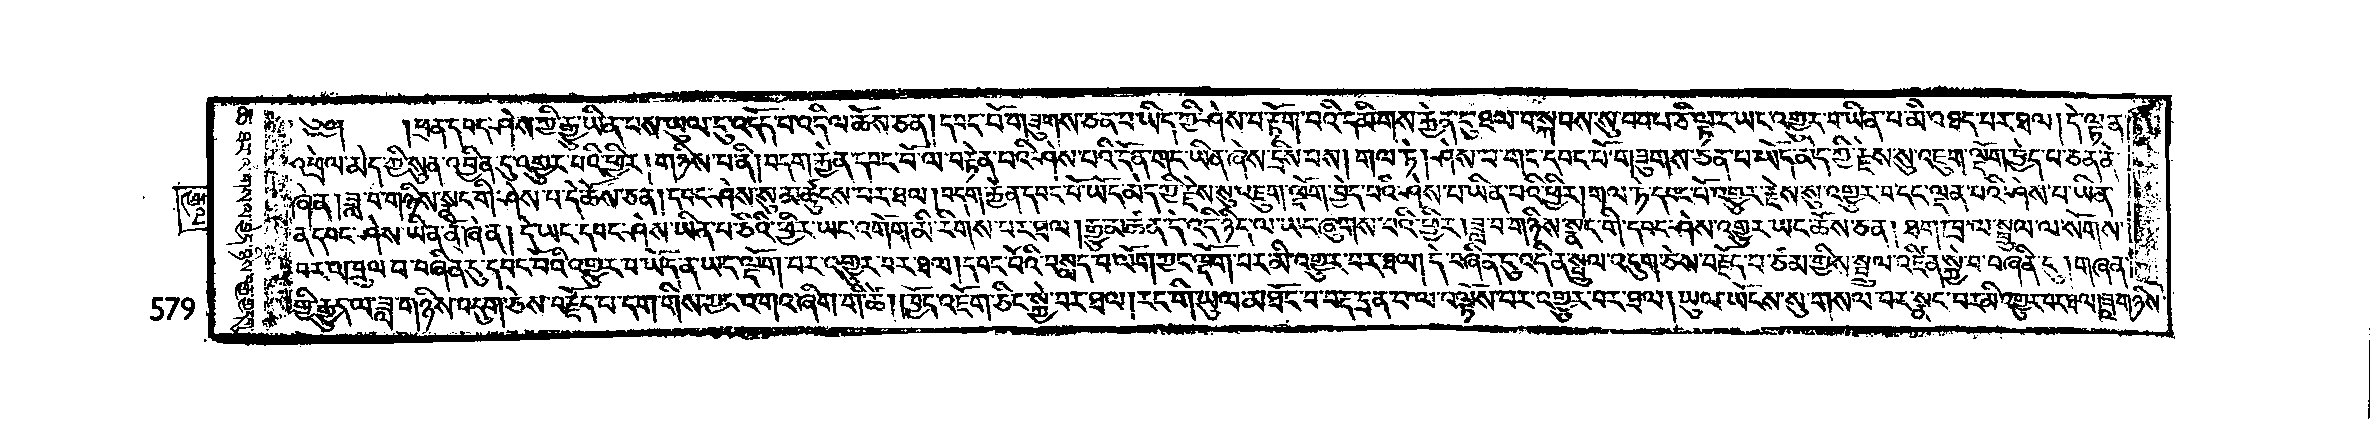༄༅། །ཕྲན་དབང་ཤེས་ཀྱི་རྒྱུ་ཡིན་པས་ཡུལ་དུ་འདོད་པ་འདི་ལ་ཆོས་ཅན། དབང་པོ་གཟུགས་ཅན་པ་ཡིད་ཀྱི་ཤེས་པ་རྟོག་པའི་དམིགས་རྐྱེན་དུ་ཐལ་བ་སྐབས་སུ་བབ་པ་ཅི་ལྟར་ཡང་འགྱུར་བ་ཡིན་པ་མི་འཐད་པར་ཐལ། དེ་ལྟ་ན་
འཕྲེལ་མེད་ཀྱི་སུན་འབྱིན་དུ་འགྱུར་པའི་ཕྱིར། གཉིས་པ་ནི། བདག་རྐྱེན་དབང་པོ་ལ་བརྟེན་པའི་ཤེས་པའི་དོན་གང་ཡིན་ཞེ་དྲིས་པས། གལ་ཏེ། ཤེས་པ་གང་དབང་པོ་གཟུགས་ཅན་པ་ཡོད་མེད་ཀྱི་རྗེས་སུ་འཇུག་ལྡོག་བྱེད་པ་ཅན་ནོ་
ཞེ་ན། ཟླ་བ་གཉིས་སྣང་གི་ཤེས་པ་དེ་ཆོས་ཅན། དབང་ཤེས་སུ་མཚུངས་པར་ཐལ། བདག་རྐྱེན་དབང་པོ་ཡོད་མེད་ཀྱི་རྗེས་སུ་འཇུག་ལྡོག་བྱེད་པའི་ཤེས་པ་ཡིན་པའི་ཕྱིར། གལ་ཏེ་དབང་པོ་འགྱུར་རྗེས་སུ་འགྱུར་བ་དང་ལྡན་པའི་ཤེས་པ་ཡིན་
ན་དབང་ཤེས་ཡིན་ནོ་ཞེ་ན། དེ་ཡང་དབང་ཤེས་ཡིན་པ་ཅིའི་ཕྱིར་ཡང་འགོག་མི་རིགས་པར་ཐལ། རྒྱུ་མཚན་དེ་འདི་ཉིད་ལ་ཡང་ཞུགས་པའི་ཕྱིར། ཟླ་བ་གཉིས་སྣང་གི་དབང་ཤེས་འགྱུར་ཡང་ཆོས་ཅན། ཐག་ཁྲ་ལ་སྤྲུལ་ལ་སོགས་
པར་འཁྲུལ་བ་བཞིན་དུ་དབང་པོའི་འགྱུར་བ་ཡོད་ན་ཡང་ལྡོག་པར་འགྱུར་བར་ཐལ། དབང་པོའི་བསླད་པ་ལོག་ཀྱང་ལྡོག་པར་མི་འགྱུར་བར་ཐལ། དེ་བཞིན་དུ་འདི་ན་སྤྲུལ་འདུག་ཅེས་བརྗོད་པ་ཙམ་གྱིས་སྤྲུལ་འཛིན་སྐྱེ་བ་བཞིན་དུ། གཞན་
གྱི་རྒྱུད་ལ་ཟླ་གཉིས་འདུག་ཅེས་བརྗོད་པ་དག་གིས་ཀྱང་འགའ་ཞིག་གི་ཚེ། ཁྱོད་འཇོག་ཅིང་སྐྱེ་བར་ཐལ། རང་གི་ཡུལ་མཐོང་བ་བརྡ་དྲན་བ་ལ་བལྟོས་པར་འགྱུར་བར་ཐལ། ཡུལ་ཡོངས་སུ་གསལ་བར་སྣང་བར་མི་འགྱུར་བར་ཐལ། ཟླ་གཉིས་